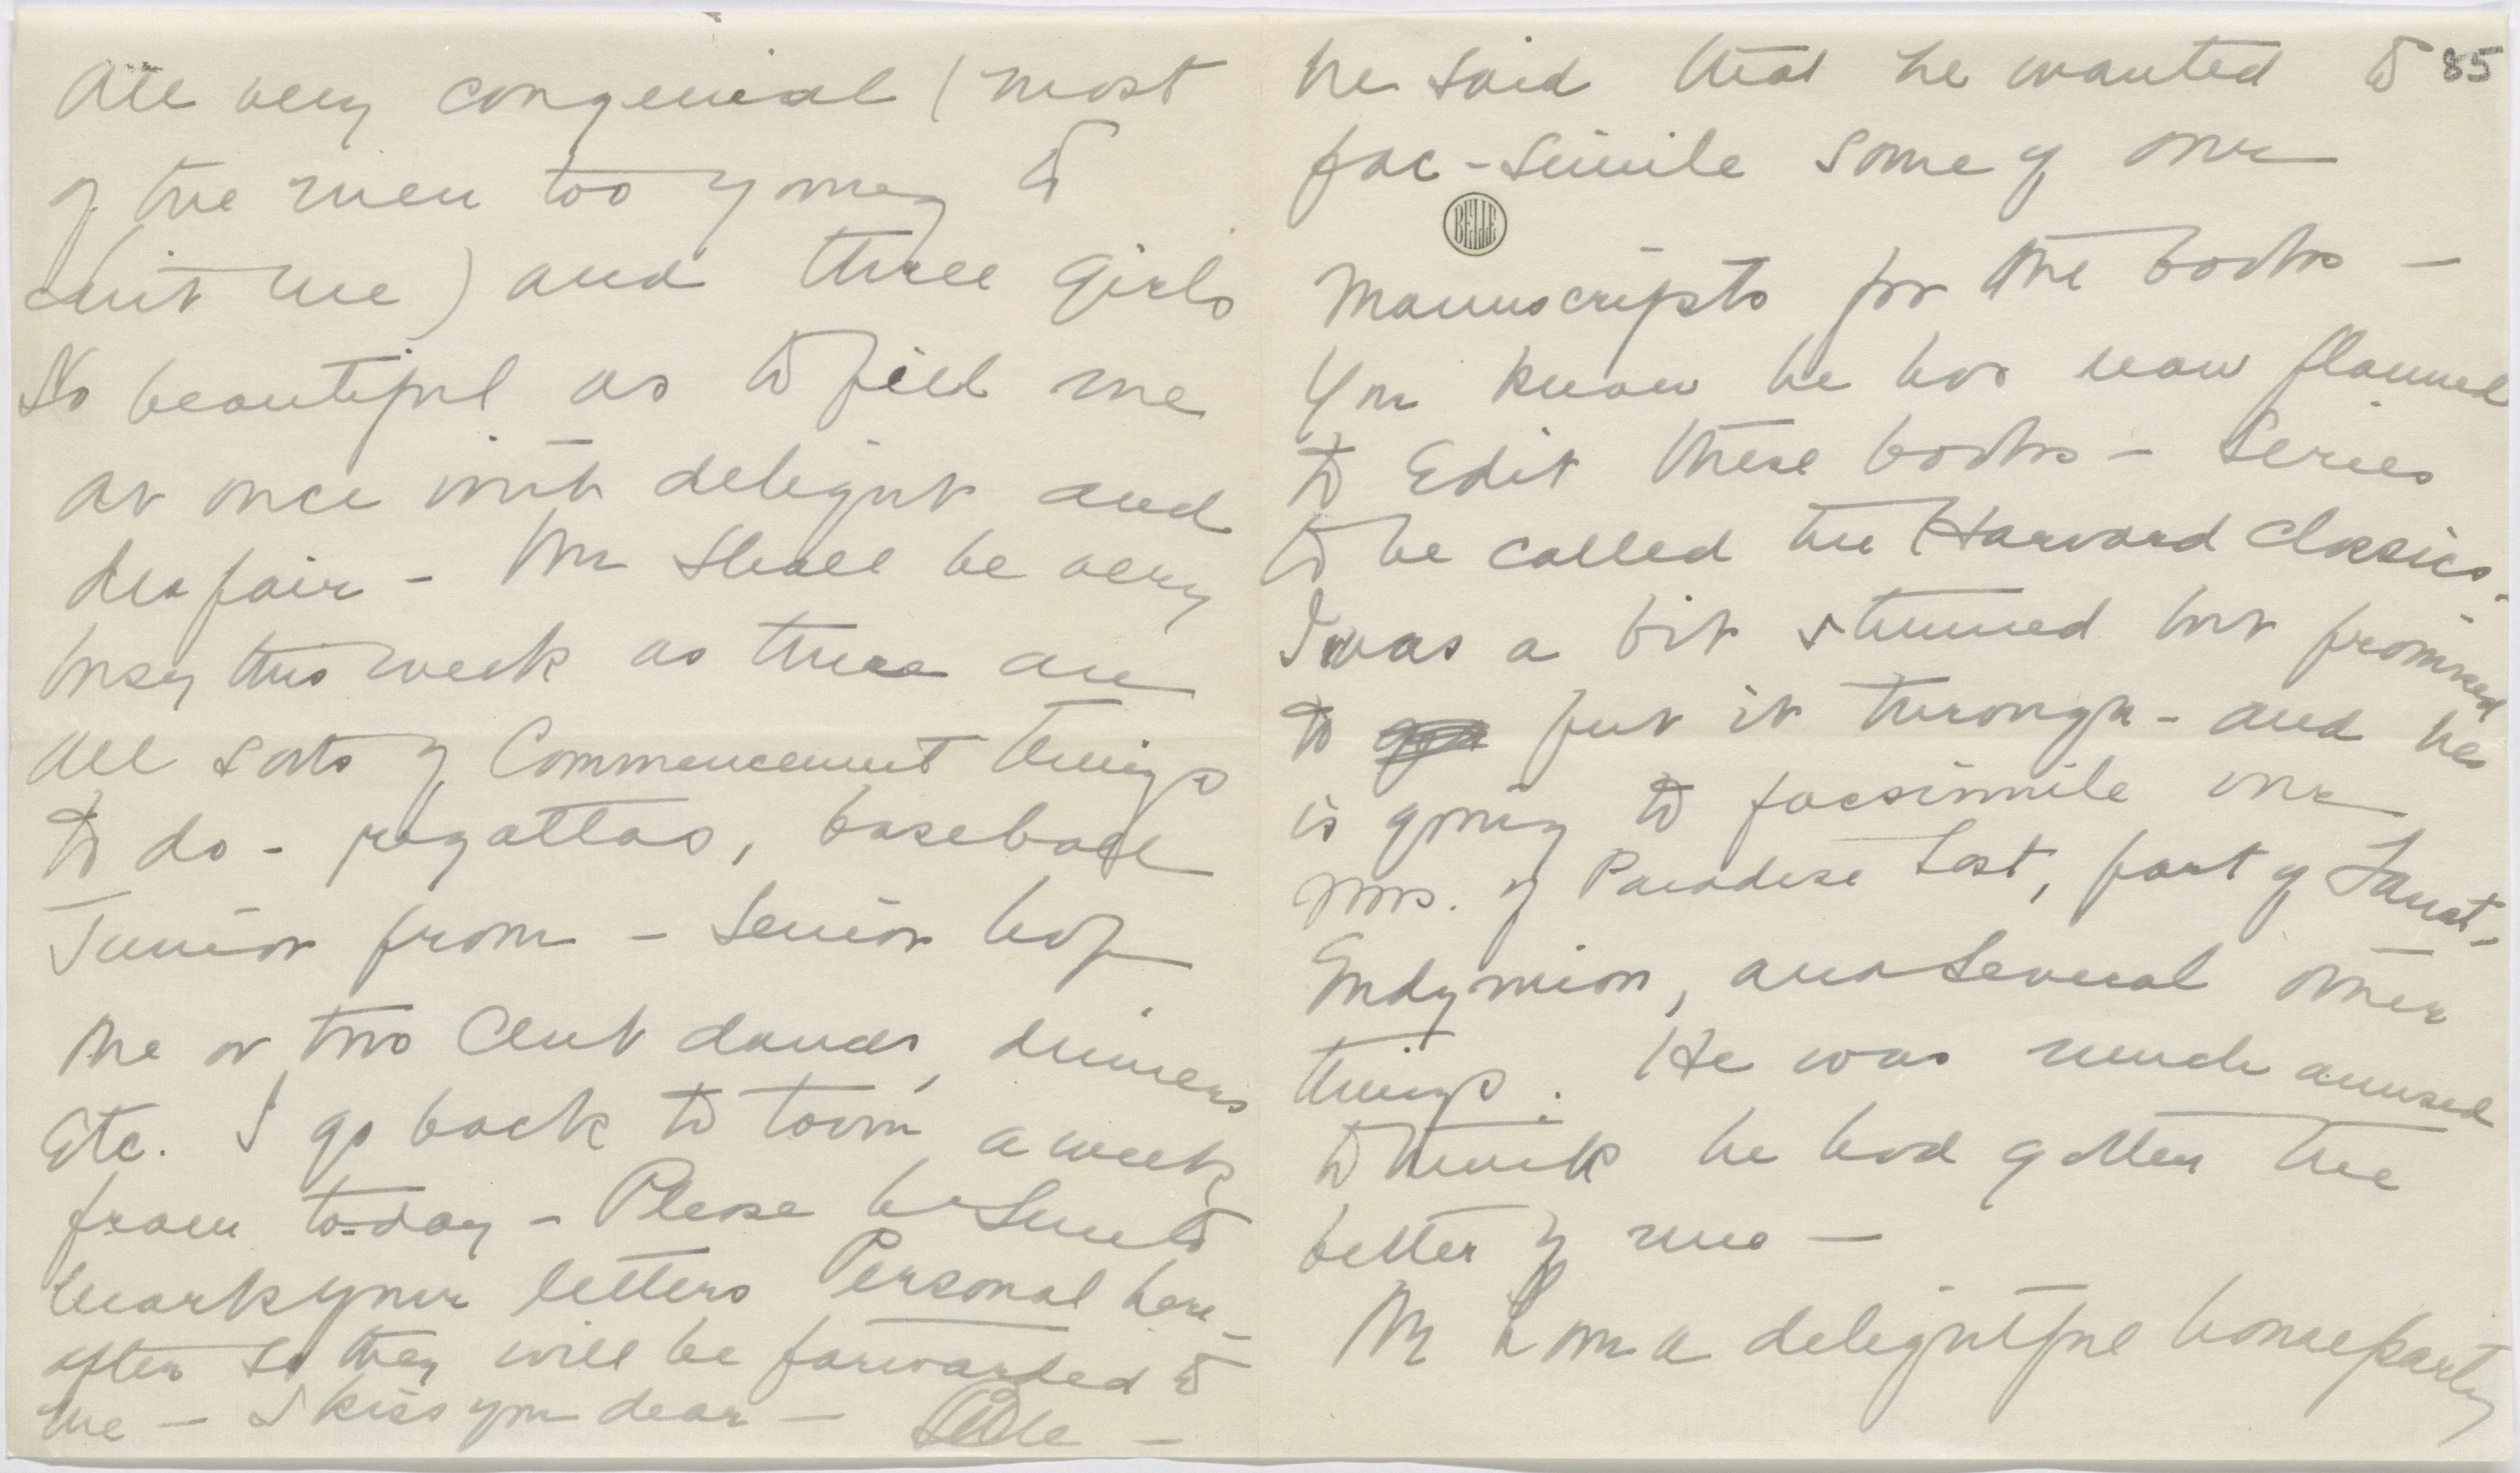he said that he wanted to fac-simile some of our manuscripts for the books – You know he has now planned to edit these books – series to be called the Harvard classics. I was a bit stunned but promised to go put it through – and he is going to facsimile our mss. of Paradise Lost, part of Faust, Endymion, and several other things. He was much amused to think he had gotten the better of me –
We have a delightful houseparty
all very congenial (most of the men too young to suit me) and three girls so beautiful as to fill me at once with delight and despair – We shall be very busy this week as there are all sorts of commencement things to do – regattas, baseball Junior prom – senior hop one or two club dances, dinners etc. I go back to town a week from today – Please be sure to mark your letters Personal hereafter so they will be forwarded to me – I kiss you dear – Belle –